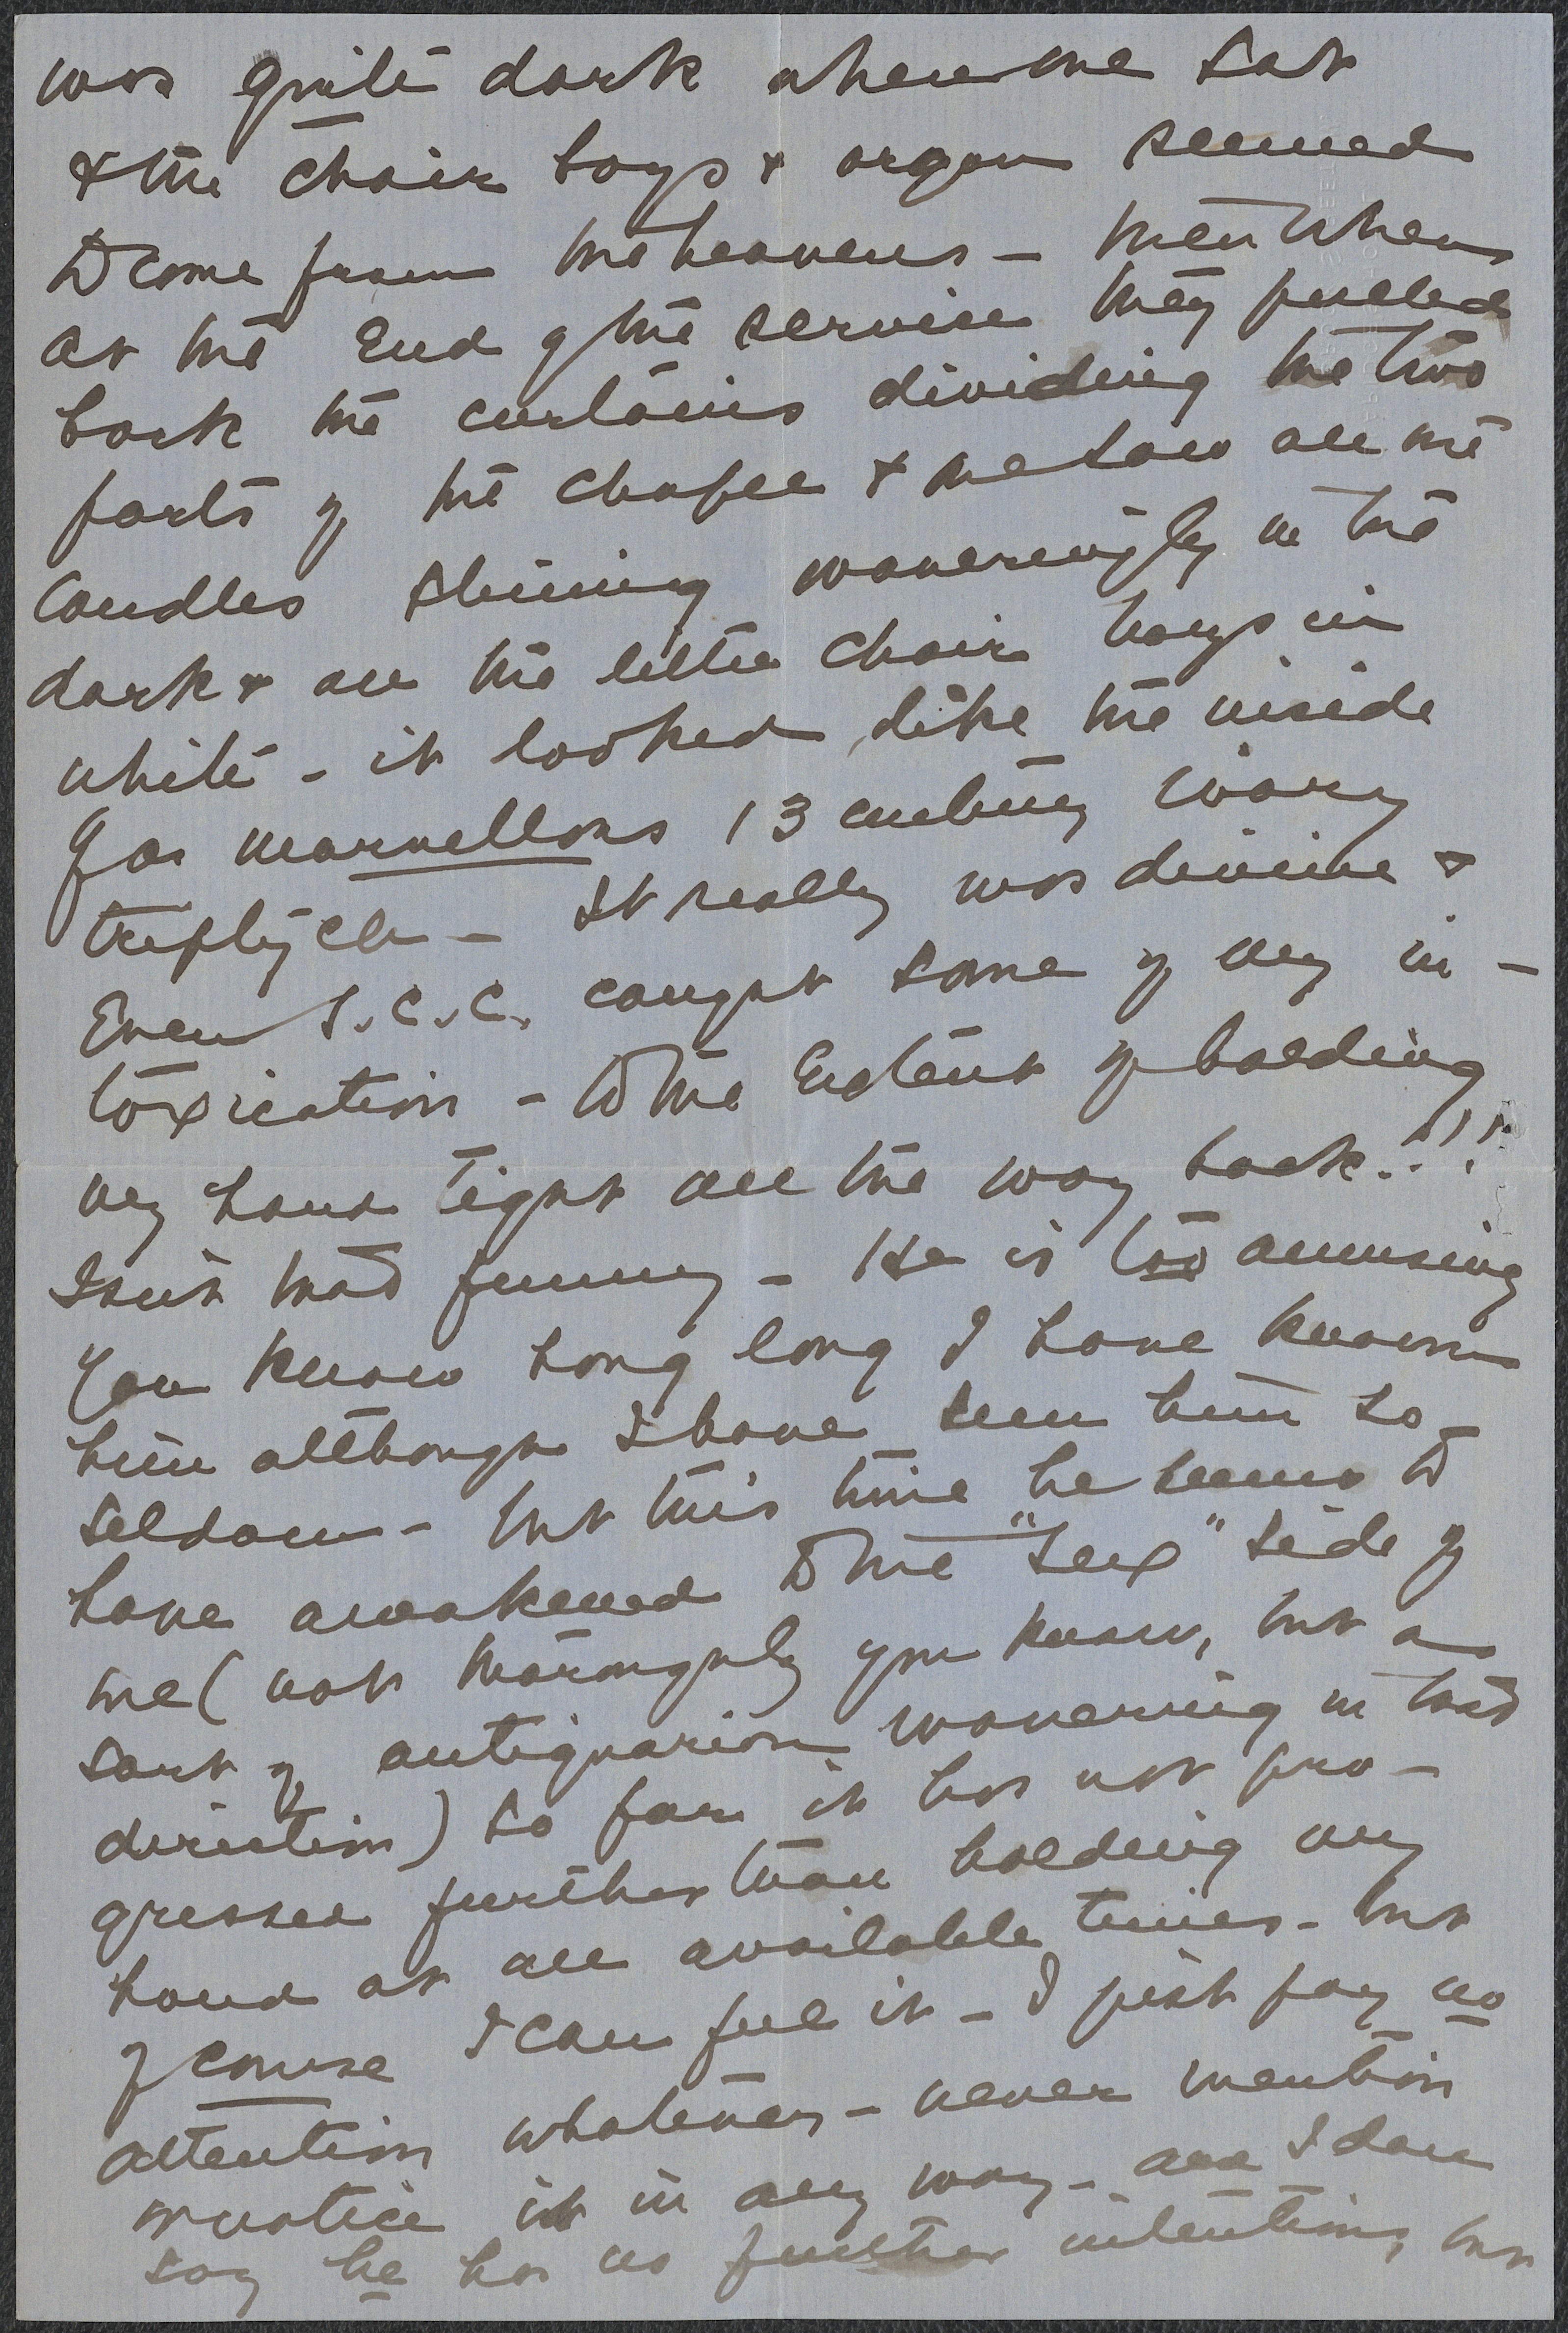was quite dark where we sat & the choir boys & organ seemed to come from the heavens – Then when at the end of the service they pulled back the curtains dividing the two parts of the chapel & we saw all the candles shining waveringly in the dark & all the little choir boys in white – it looked like the inside of a marvellous 13 century ivory triptych – It really was divine & even S.C. C. caught some of my intoxication – to the extent of holding my hand tight all the way back!!! Isn’t that funny – He is too amusing you know long long I have known him although I have seen him so seldom – but this time he seems to have awakened to the “sex” side of me (not thoroughly you know, but a sort of antiquarian wavering in that direction) so far it has not progressed further than holding my hand at all available times – but of course I can feel it – I just pay no attention whatever – never mention or notice it in any way – and I dare say he has no further intentions, but